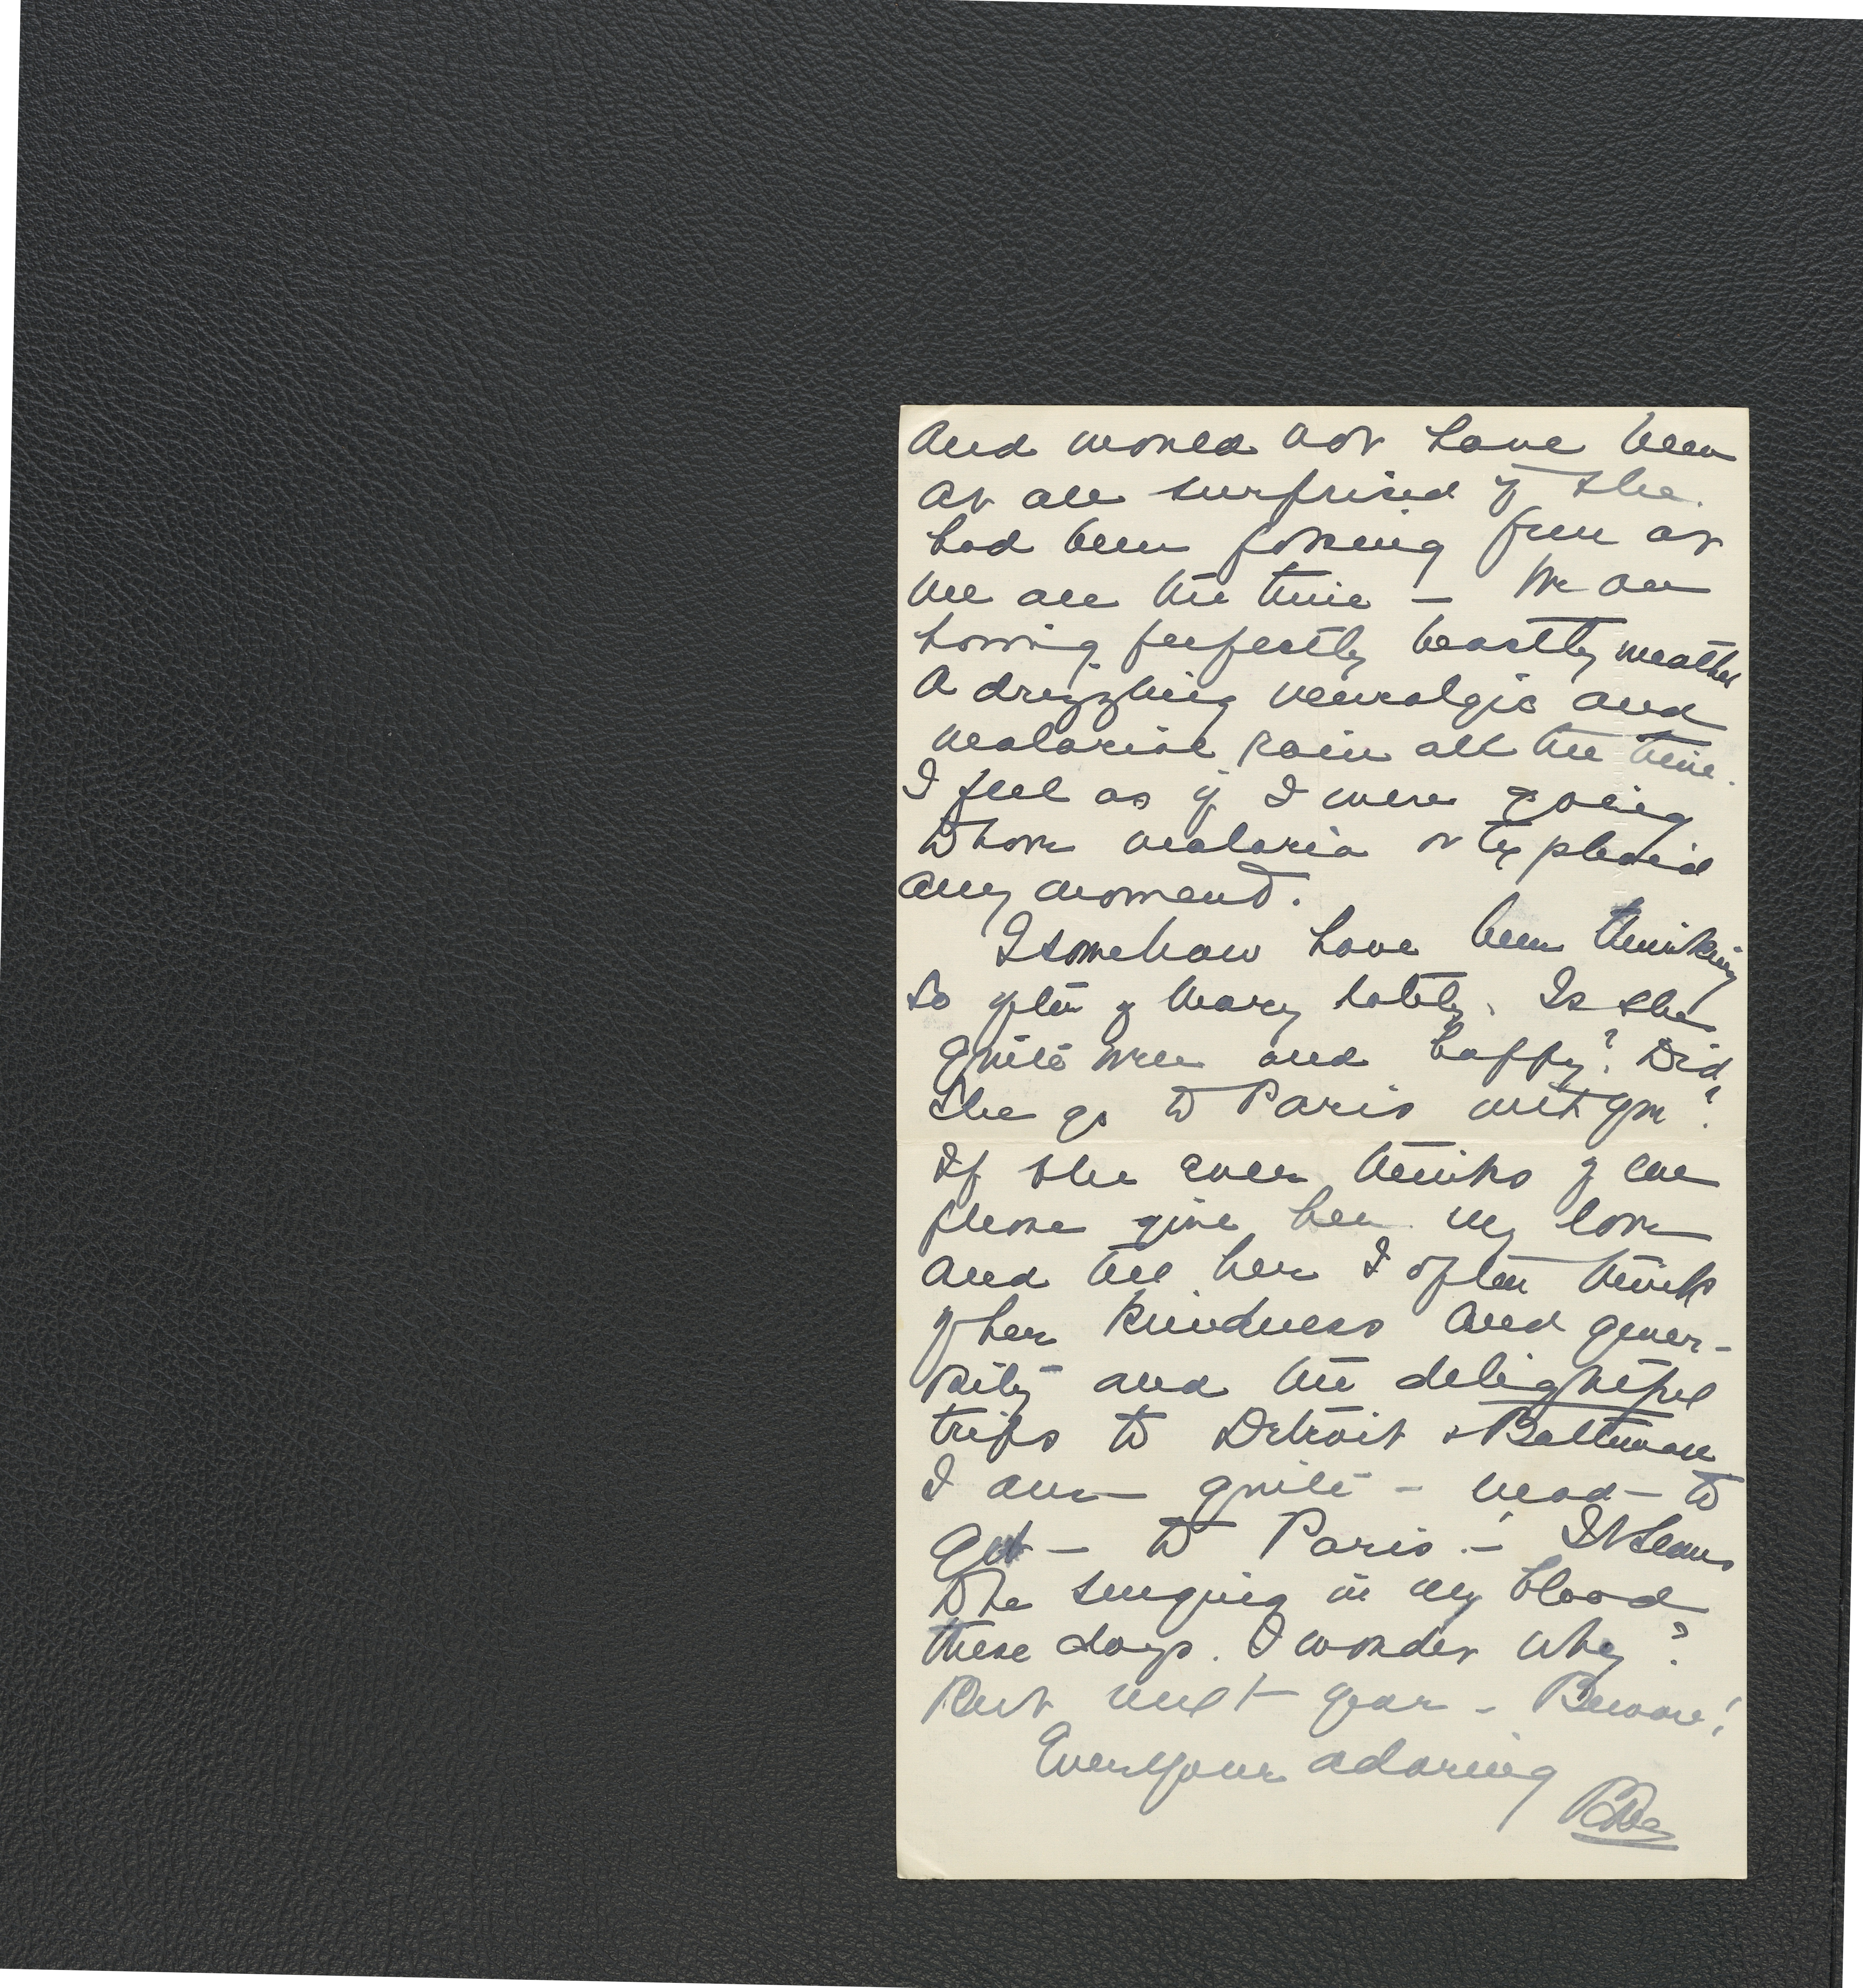and would not have been at all surprised if she had been poking fun at me all the time – we are having perfectly beastly weather a drizzling neuralgic and malarial rain all the time. I feel as if I were going to have malaria or typhoid any moment.
I somehow have been thinking so often of Mary lately. Is she quite well and happy? Did she go to Paris with you? If she ever thinks of me please give her my love and tell her I often think of her kindness and generosity and the delightful trips to Detroit & Baltimore I am – quite – mad – to get – to Paris – It seems to be singing in my blood these days. I wonder why? But next year – Beware!
Ever your adoring Belle